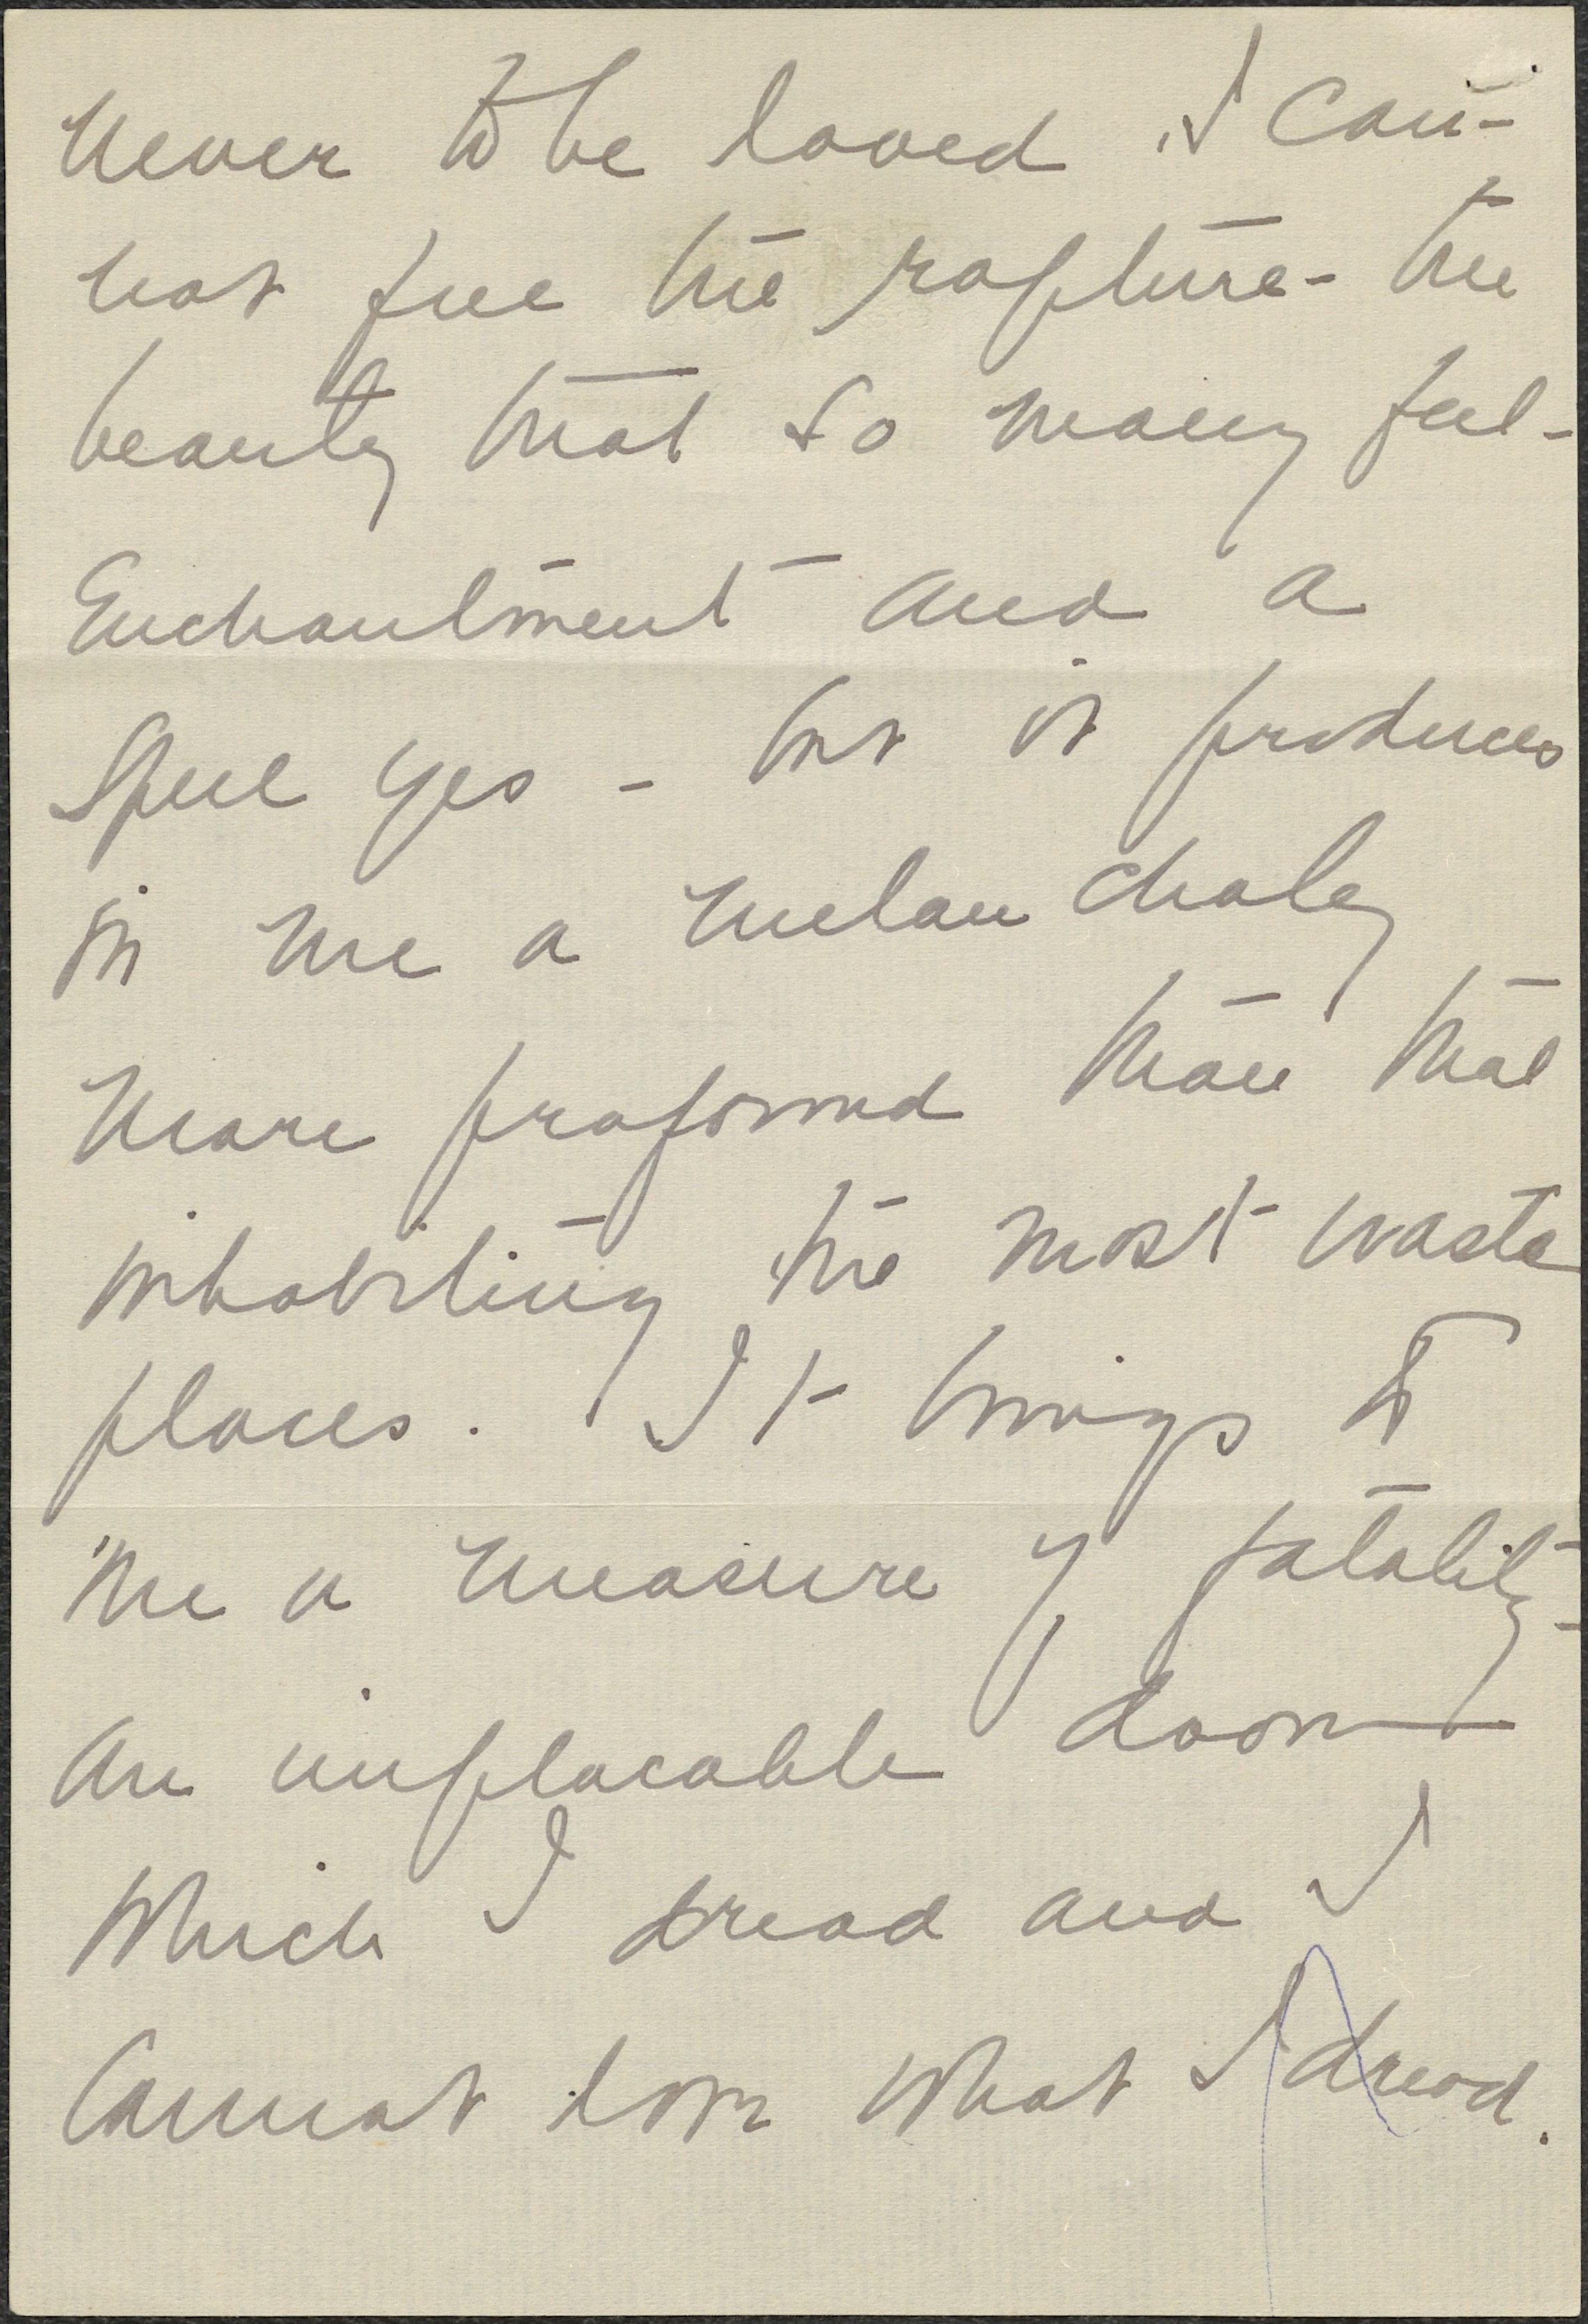never to be loved. I cannot feel the rapture – the beauty that so many feel – enchantment and a spell yes – but it produces in me a melancholy more profound than that inhabiting the most waste places. It brings to me a measure of fatality – an implacable doom which I dread and I cannot love what I dread.